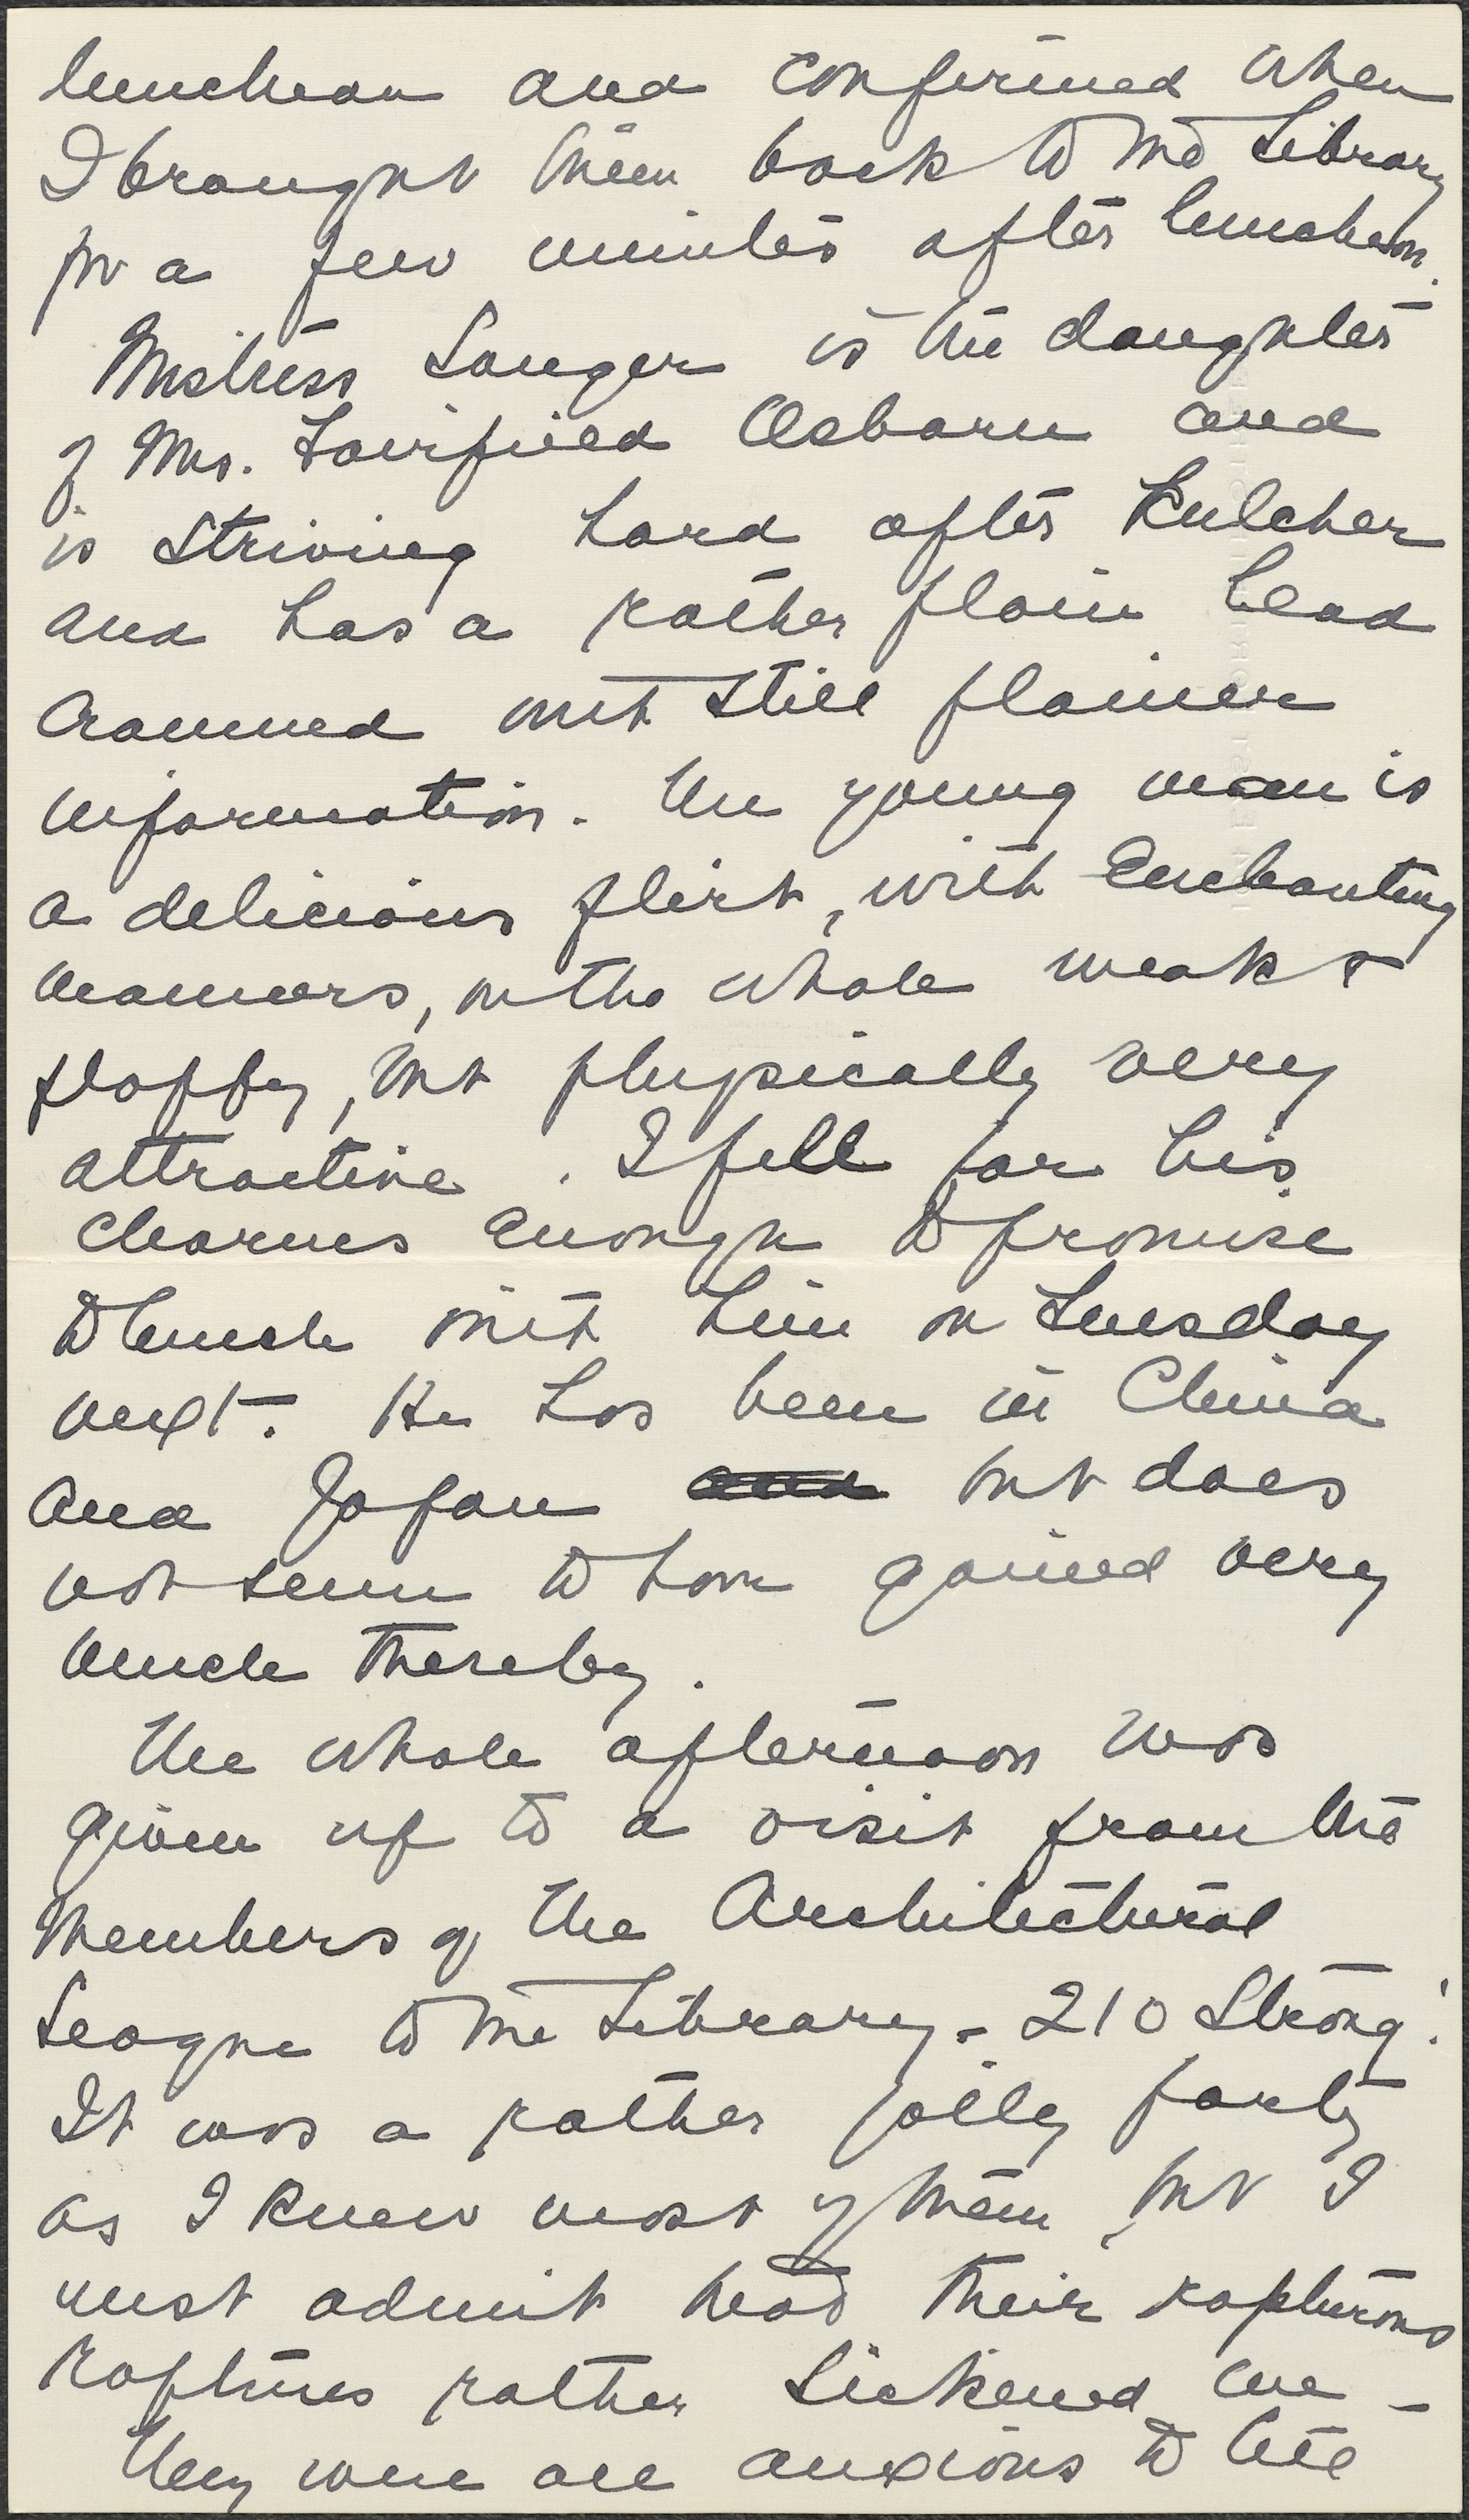luncheon and confirmed when I brought him back to the Library for a few minutes after luncheon.
Mistress Sanger is the daughter of Mrs. Fairfield Osborne and is striving hard after Kulcher [i.e., “culture”] and has a rather plain head crammed with still plainer information. The young man is a delicious flirt, with enchanting manners, on the whole weak & floppy, but physically very attractive. I fell for his charms enough to promise to lunch with him on Tuesday next. He has been in China and Japan and but does not seem to have gained very much thereby.
The whole afternoon was given up to a visit from the members of the Architectural League to the Library – 210 strong! It was a rather jolly party as I knew most of them but I must admit that their rapturous raptures rather sickened me –
They were all anxious to tell